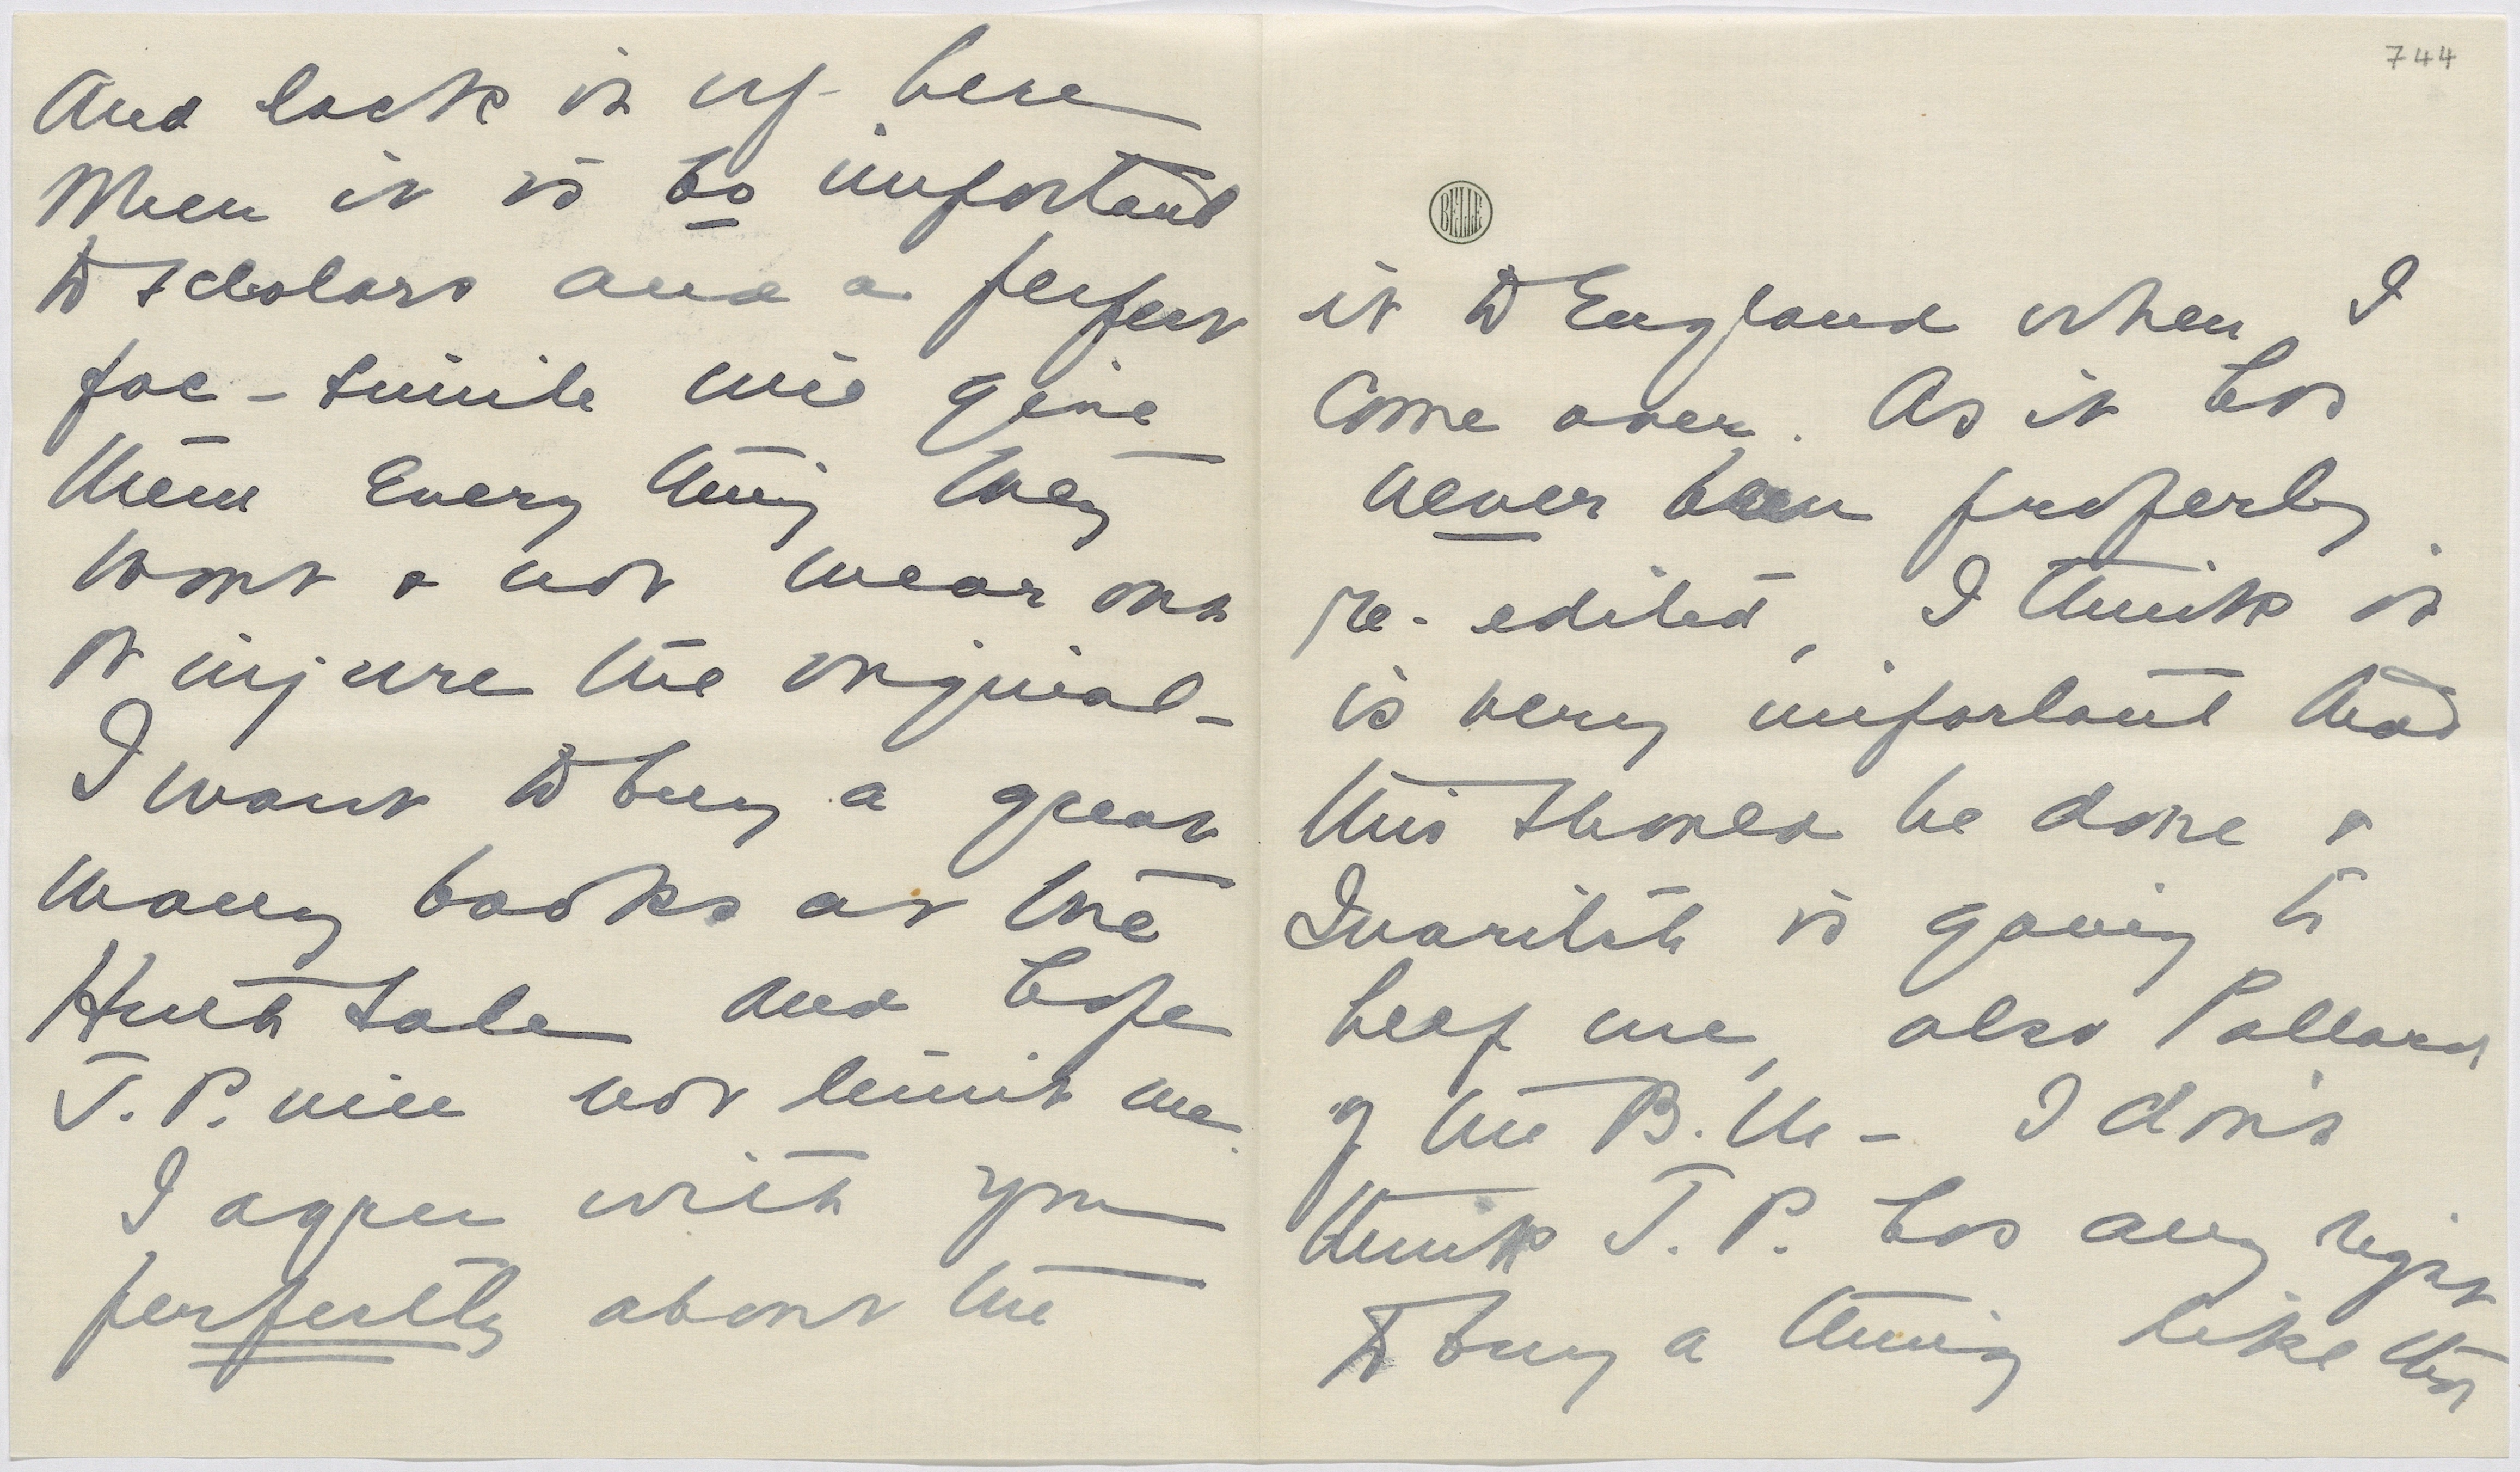it to England when I come over. As it has never been properly re-edited, I think it is very important that this should be done & Quaritch is going to help me, also, Pollard of the B. M – I don’t think J. P. has any right to buy a thing like that
and lock it up here when it is so important to scholars and a perfect fac-simile will give them every thing they want & not wear out or injure the original – I want to buy a great many books at the Huth sale and hope J. P. will not limit me.
I agree with you [double underlined: perfectly] about the